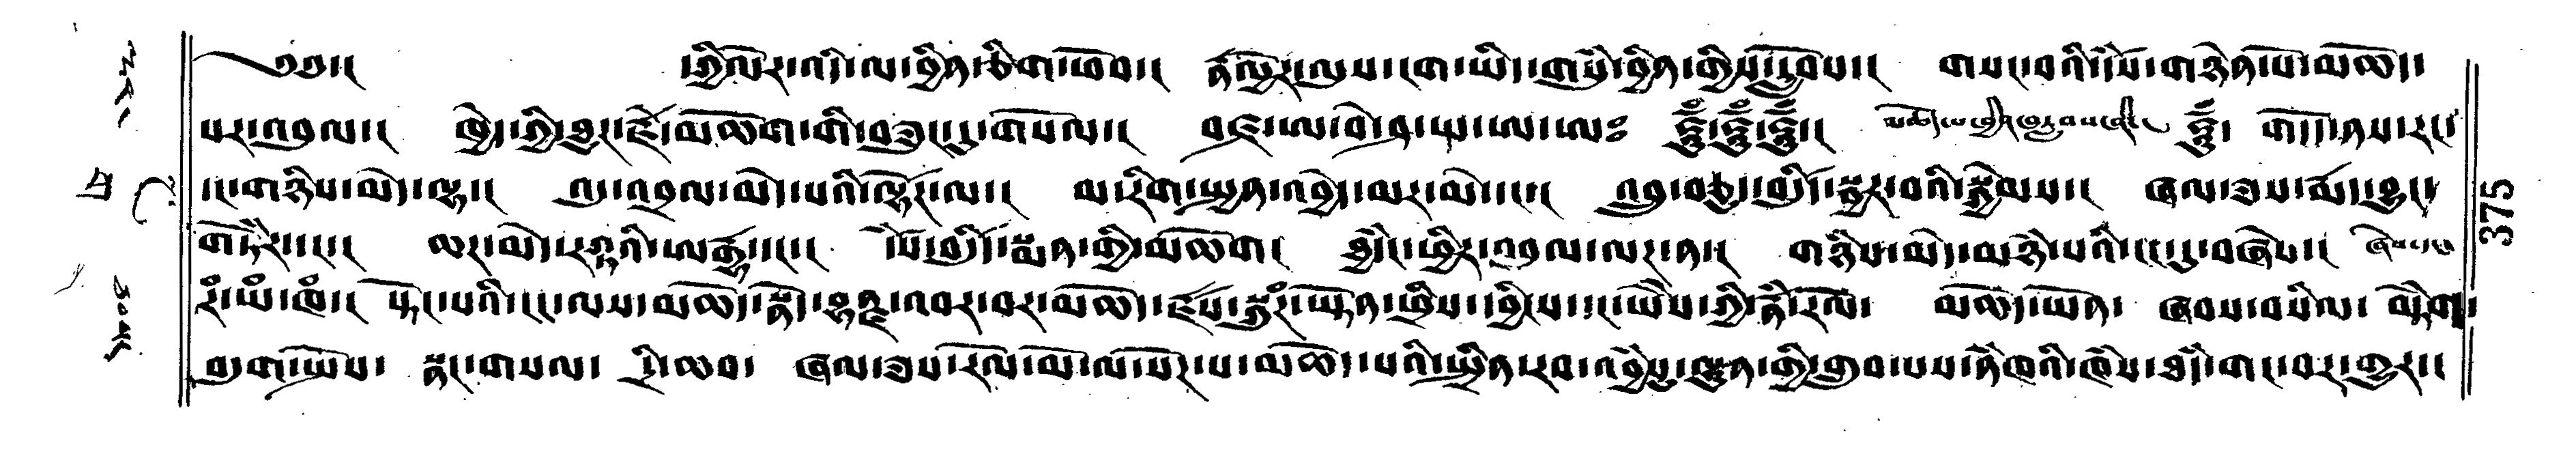དཀྱིལ་འཁོར་འདི་ལ་བྱིན་ཅིག་ཕོབས། །རྣལ་འབྱོར་ལུས་ངག་ཡིད་གསུམ་བྱིན་གྱིས་རློབས། །གསང་བའི་དམ་རྫས་གཉེན་པོ་མཆོད་
པར་འབུལ། ཁྱེད་ཀྱི་ཐུགས་རྗེ་མཆོག་གིས་བཟུང་དུ་གསོལ། བཛྲ་ཨ་བེ་ཤ་ཡ་ཨ་ཨཿ ཧཱུྃྃ་ཧཱུྃ་ཧཱུྃ། མཆོད་པ་བྱིན་རླབས་ནི། ཧཱུྃ། གདོད་ནས་རང་
དང་གཉིས་མེད་ལྷ། །འདུ་འབྲལ་མེད་པའི་ལྷ་ཚོགས་ལ། །མ་རིག་སྤྱན་འབྱེད་མར་མེ་དང་། །འབྲུ་བཅུད་བདུད་རྩི་སྦྱར་བའི་སྐྱེམས། །ཞལ་ཟས་རྨད་བྱུང་
གཏོར་མ་དང་། །ཆགས་མེད་རཀྟའི་ཨརྒྷཾ་དང་། །དམ་རྫས་བདུད་རྩི་སྨན་གྱི་མཆོག །ཐུགས་དམ་བསྐང་ཕྱིར་འབུལ་ལགས་ན། །གཉིས་མེད་མཉམ་པའི་ངང་དུ་བཞེས། ཞེས་དང་། 
རཾ་ཡཾ་ཁཾ། སྟོང་པའི་ངང་ལས་མཆོད་སྣོད་བྷནྫ་འབར་བར་མཆོད་རྫས་སྐུ་གསུང་ཐུགས་ཡོན་ཏན་ཕྲིན་ལས་དབྱིངས་དང་ཡེ་ཤེས་ཀྱི་རྣམ་རོལ། མཆོད་ཡོན། ཞབས་བསིལ། མེ་ཏོག 
བདུག་སྤོས། སྣང་གསལ། དྲི་ཆབ། ཞལ་ཟས་རོལ་མོ་ལ་སོགས་པ་མཆོད་པའི་སྤྲིན་རབ་འབྱམས་སུ་ལྷུན་གྱི་གྲུབ་པས་ནམ་མཁའི་ཁམས་ཐམས་ཅད་གང་བར་གྱུར།